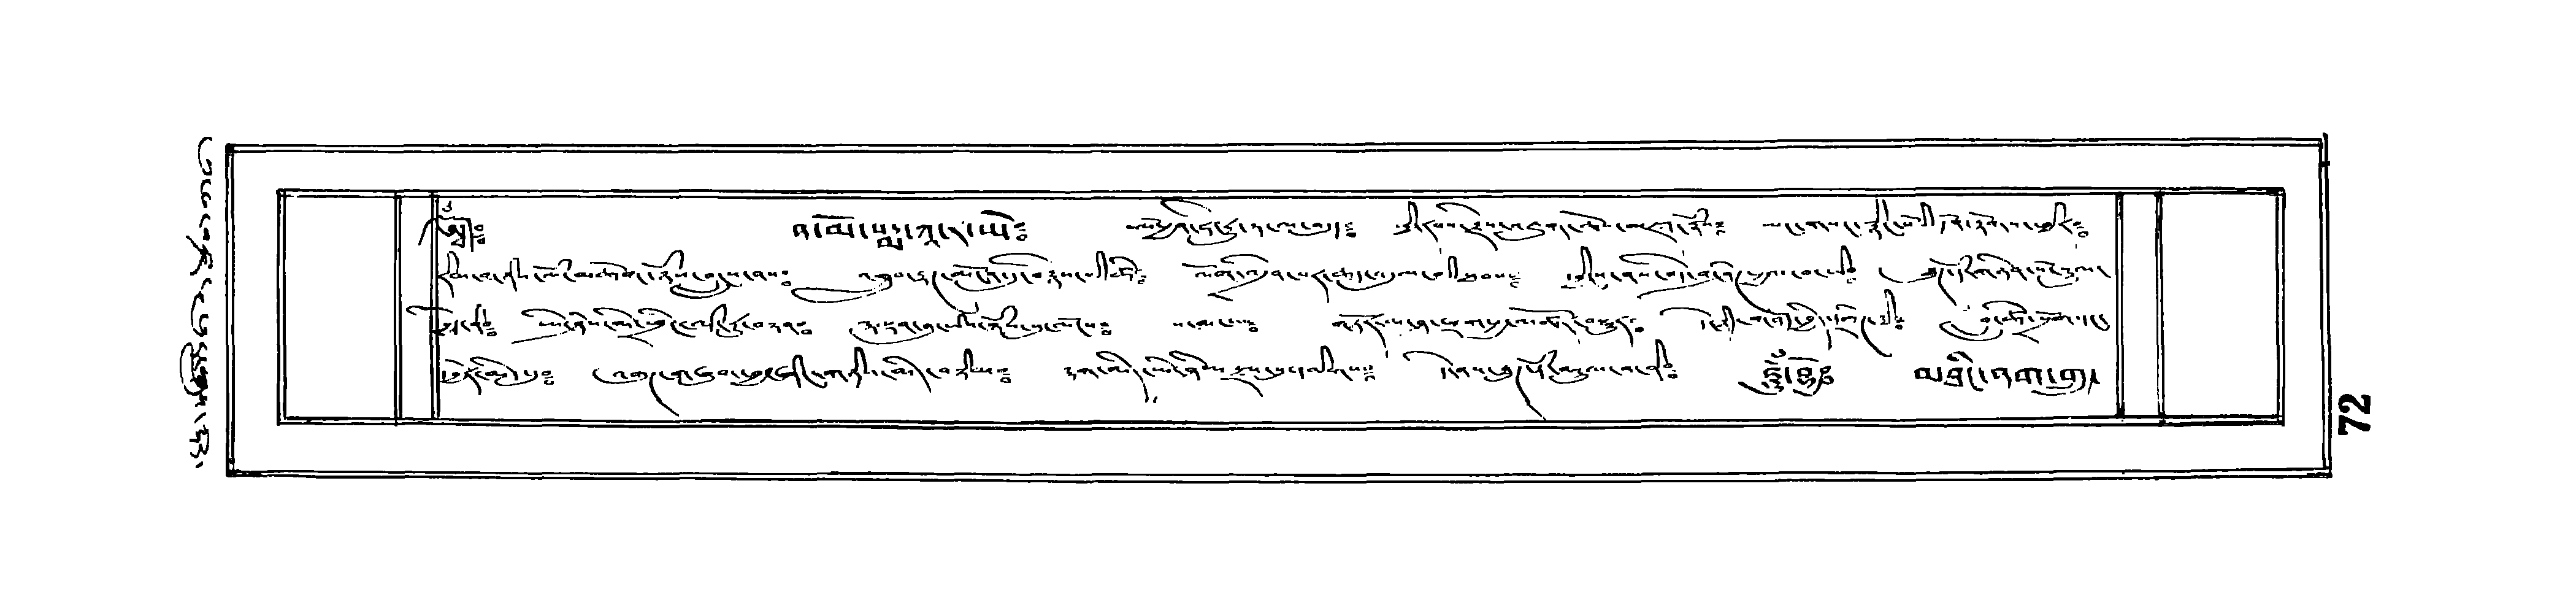ན་མོ་པདྨ་ཀཱ་ར་ཡེ༔ ཨོ་རྒྱན་ཧེ་རུ་ཀ་ལ་བདུད༔ ཕྱི་རབས་རྗེས་འཇུག་ཆོས་མཛད་རྣམས༔ ཡང་གསང་སྙིང་པོའི་དོན་རྟོགས་ཕྱིར༔ 
རིམ་གཉིས་ལམ་མཆོག་ཉམས་བླངས་ནས༔ འགྲུབ་རྟགས་མངོན་དུ་བསྙེས་པའི་ཚེ༔ ལོག་འདྲེན་བར་ཆད་འདུལ་བའི་ཐབས༔ དབྱིངས་ནས་བདེ་གཤེགས་རྒྱལ་བ་ཡི༔ ཐུགས་དམ་གཉེན་པོ་སྐུལ་
བྱེད་ནི༔ ཡེ་ཤེས་མེ་ཕྲེང་འདི་རུ་བསྟན༔ སྐལ་ལྡན་བུ་ཡིས་ཉམས་སུ་ལོངས༔ ས་མ་ཡ༔ གཏོར་མ་ཤ་ཁྲག་རྒྱ་མཚོར་བསྒྱུར༔ དེ་ཉིད་གནོད་བྱེད་དགྲ་བགེགས་ཀྱི༔ བླ་ཚེ་སྲོག་དང་
དབྱེར་མེད་དུ༔ འགུགས་གཞུག་བྱ་ཞིང་གཉིས་མེད་བསྟིམ༔ ཟག་མེད་ཡེ་ཤེས་རྫས་སུ་དམིགས༔ དེ་ནས་ཐུགས་དམ་བསྐུལ་བ་ནི༔ ཧཱུྃ་བྷྱོ༔ མཐིང་ནག་གྲུ་